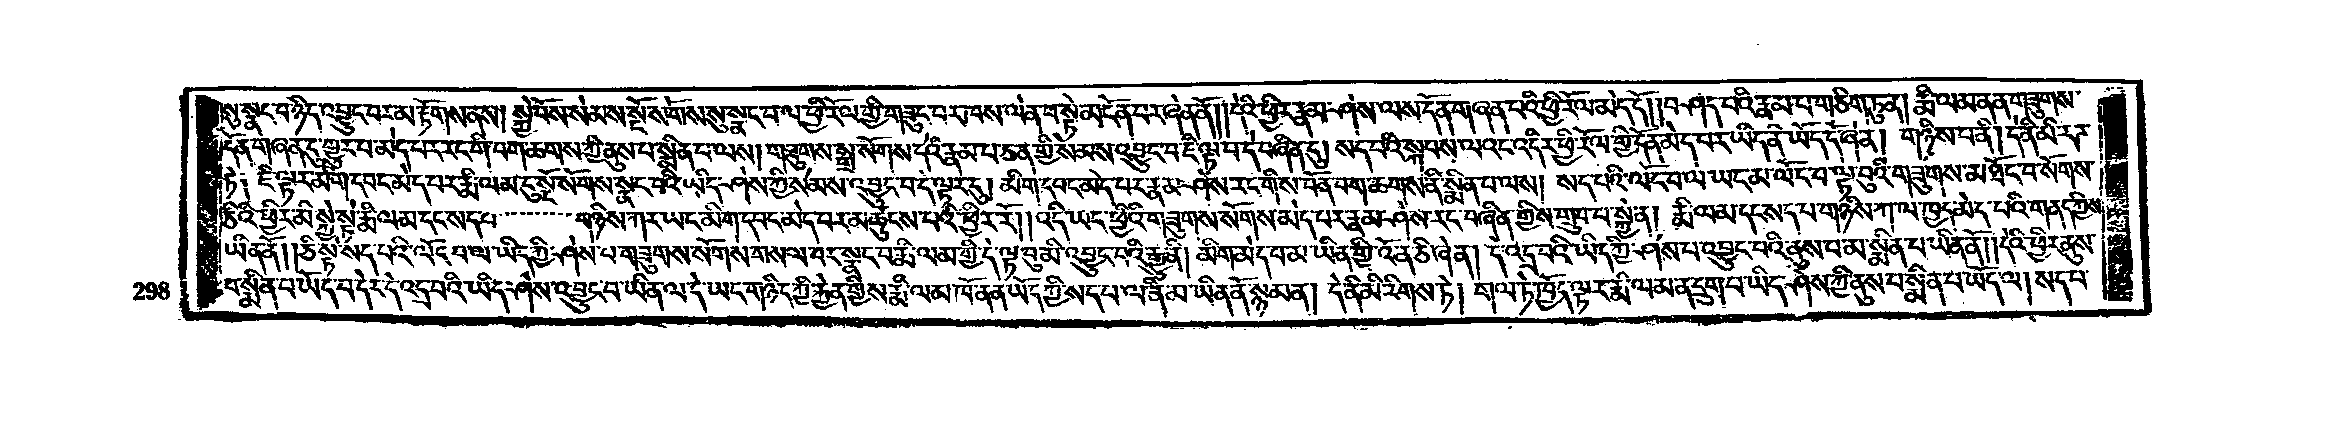སྣང་བ་ཉིད་འབྱུང་བར་མ་རྟོགས་ནས། སྐྱེ་བོས་སེམས་སྔོ་སོགས་སུ་སྣང་བ་ལ་ཕྱི་རོལ་གྱི་གཟུང་བར་ཁས་ལེན་པ་སྟེ་མངོན་པར་ཞེན་ནོ། །དེའི་ཕྱིར་རྣམ་ཤེས་ལས་དོན་གཞན་པའི་ཕྱི་རོལ་མེད་དོ། །བཤད་པའི་རྣམ་པ་གཅིག་ཏུ་ན། རྨི་ལམ་ན་ནི་གཟུགས་
དོན་གཞན་དུ་གྱུར་པ་མེད་པར་རང་གི་བག་ཆགས་ཀྱི་ནུས་པ་སྨིན་པ་ལས། གཟུགས་སྒྲ་སོགས་དེའི་རྣམ་པ་ཅན་གྱི་སེམས་འབྱུང་བ་ཇི་ལྟ་བ་དེ་བཞིན་དུ། སད་པའི་སྐབས་ལའང་འདིར་ཕྱི་རོལ་གྱི་དོན་མེད་པར་ཡིད་ནི་ཡོད་དོ་ཞེ་ན། གཉིས་པ་ནི། དེ་ནི་མི་རིགས་
ཏེ། ཇི་ལྟར་མིག་དབང་མེད་པར་རྨི་ལམ་དུ་སྔོ་སོགས་སྣང་བའི་ཡིད་ཤེས་ཀྱི་སེམས་འབྱུང་བ་དེ་ལྟར་དུ། མིག་དབང་མེད་པར་རྣམ་ཤེས་རང་གི་ས་བོན་བག་ཆགས་ནི་སྨིན་པ་ལས། སད་པའི་ལོང་བ་ལ་ཡང་མ་ལོང་བ་ལྟ་བུའི་གཟུགས་མཐོང་བ་སོགས་
ཅིའི་ཕྱིར་མི་སྐྱེ་སྟེ་རྨི་ལམ་དང་སད་པ་གཉིས་ཀར་ཡང་མིག་དབང་མེད་པར་མཚུངས་པའི་ཕྱིར་རོ། །འདི་ཡང་ཕྱིའི་གཟུགས་སོགས་མེད་པར་རྣམ་ཤེས་རང་བཞིན་གྱིས་གྲུབ་པ་སྐྱེ་ན། རྨི་ལམ་དང་སད་པ་གཉིས་ཀ་ལ་ཁྱད་མེད་པའི་གནད་ཀྱིས་
ཡིན་ནོ། །ཅི་སྟེ་སད་པའི་ལོང་པ་ལ་ཡིད་ཀྱི་ཤེས་པ་གཟུགས་སོགས་གསལ་བར་སྣང་བ་རྨི་ལམ་གྱི་དེ་ལྟ་བུ་མི་འབྱུང་བའི་རྒྱུ་ནི། མིག་མེད་པ་མ་ཡིན་གྱི་འོ་ན་ཅི་ཞེ་ན། དེ་འདྲ་བའི་ཡིད་ཀྱི་ཤེས་པ་འབྱུང་བའི་ནུས་པ་མ་སྨིན་པ་ཡིན་ནོ། །དེའི་ཕྱིར་ནུས་
པ་སྨིན་པ་ཡོད་པ་དེར་དེ་འདྲ་བའི་ཡིད་ཤེས་འབྱུང་བ་ཡིན་ལ་དེ་ཡང་གཉིད་ཀྱི་རྐྱེན་གྱིས་རྨི་ལམ་ཁོ་ན་ན་ཡོད་ཀྱི་སད་པ་ལ་ནི་མ་ཡིན་ནོ་སྙམ་ན། དེ་ནི་མི་རིགས་ཏེ། གལ་ཏེ་ཁྱོད་ལྟར་རྨི་ལམ་ན་དྲུག་པ་ཡིད་ཤེས་ཀྱི་ནུས་པ་སྨིན་པ་ཡོད་ལ། སད་པ་